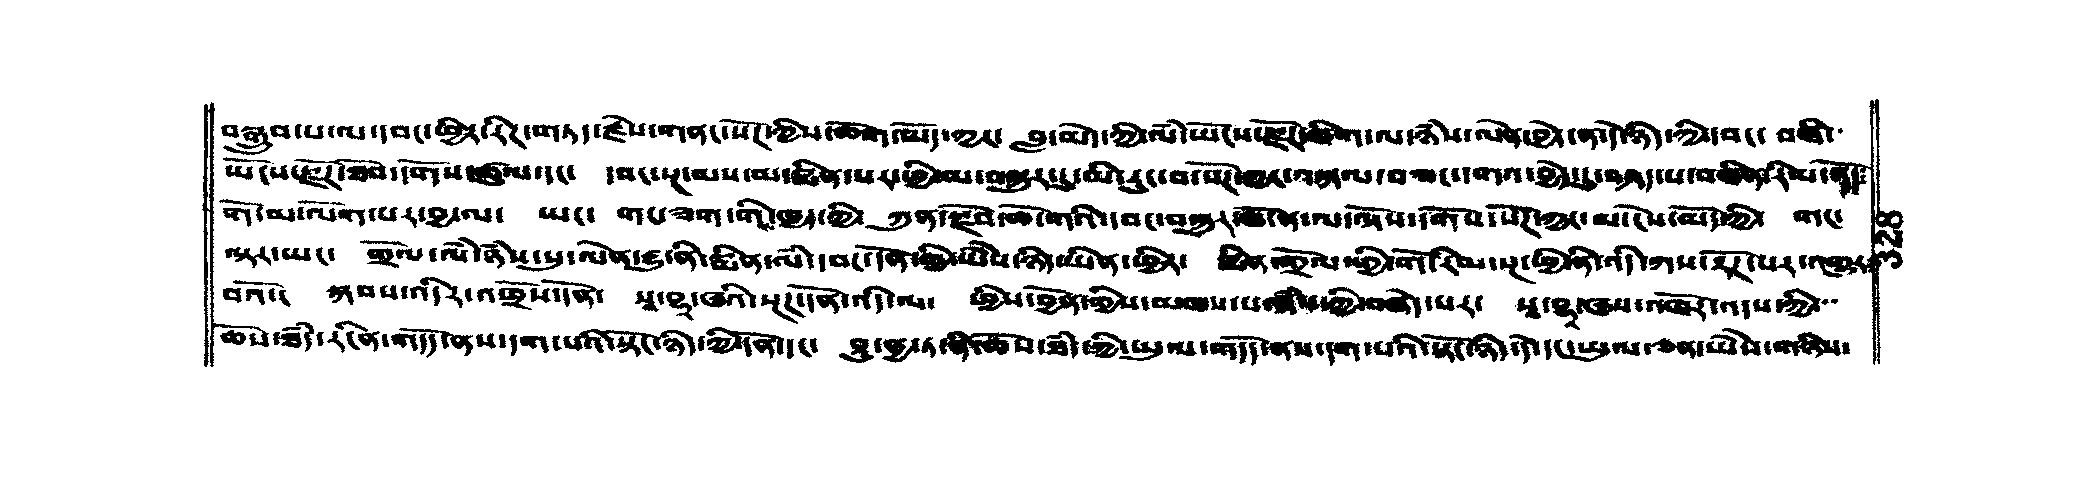བསྒྲུབ་པ་ལ་དབང་ཕྱིར་རིགས་གཏད་རྗེས་གནང་སོགས་ཀྱི་ཆོག་མོད་ཀྱང་། བླ་མེད་ཀྱི་ལམ་ཡོངས་རྫོགས་ཞིག་ལ་ཉམས་ལེན་བྱེད་ན་དེ་ཉིད་ཀྱི་དབང་བཞི་
ཡོངས་རྫོགས་ཐོབ་དགོས་ཚུལ་དང་། དབང་སྔ་མས་མ་སྨིན་པར་ཕྱི་མ་བསྐུར་དུ་མི་རུང་བ་སོགས་ཀྱང་བསྐལ་བཟང་དགའ་བྱེད་དུ་བཤད་པ་བཞིན་རིམ་ནོད་
གོ་མ་ལོག་པར་བྱ་ལ། ཡང་། གང་ཟག་གིས་ཁྱད་ཀྱི། ཀུན་རྫོབ་ཆོ་གའི་དབང་བསྐུར་ཁོ་ན་ལ་ལྟོས་དགོས་སོགས་ཀྱང་མ་ངེས་མོད་ཀྱི། གང་
ལྟར་ཡང་། གྲོལ་ལམ་ཉམས་སུ་ལེན་རྒྱུ་ནི་སྨིན་ལམ་དབང་དོན་གྱི་ཡེ་ཤེས་ཉིད་ཡིན་ཕྱིར། སྨིན་གྲོལ་གྱི་གོ་རིམ་སྔ་ཕྱི་ནི་འདི་ཀས་རྟོགས་པར་འགྱུར་
བའོ།སྐབས་འདིར་འཕྲོས་དོན། སྭ་བྷཱ་ཝའི་སྔགས་དོན་འདི་ལ། ཕྱིས་བྱོན་གྱིས་མཁས་པ་རྣམས་ཀྱི་བཞེད་པར། སྭ་བྷཱ་ཝས་འཁོར་འདས་ཀྱི་
ཆོས་ཐམས་ཅད་རང་བཞིན་གདོད་ནས་དག་པའི་སྟོང་ཉིད་ཀྱི་དོན་དང་། ཤུ་ནྱ་ཏ་ནི་ཆོས་ཐམས་ཅད་ཀྱི་ཡུལ་གདོད་ནས་དག་པའི་སྟོང་ཉིད་དེ་དང་ཡུལ་ཅན་ཡེ་ཤེས་གཉིས་